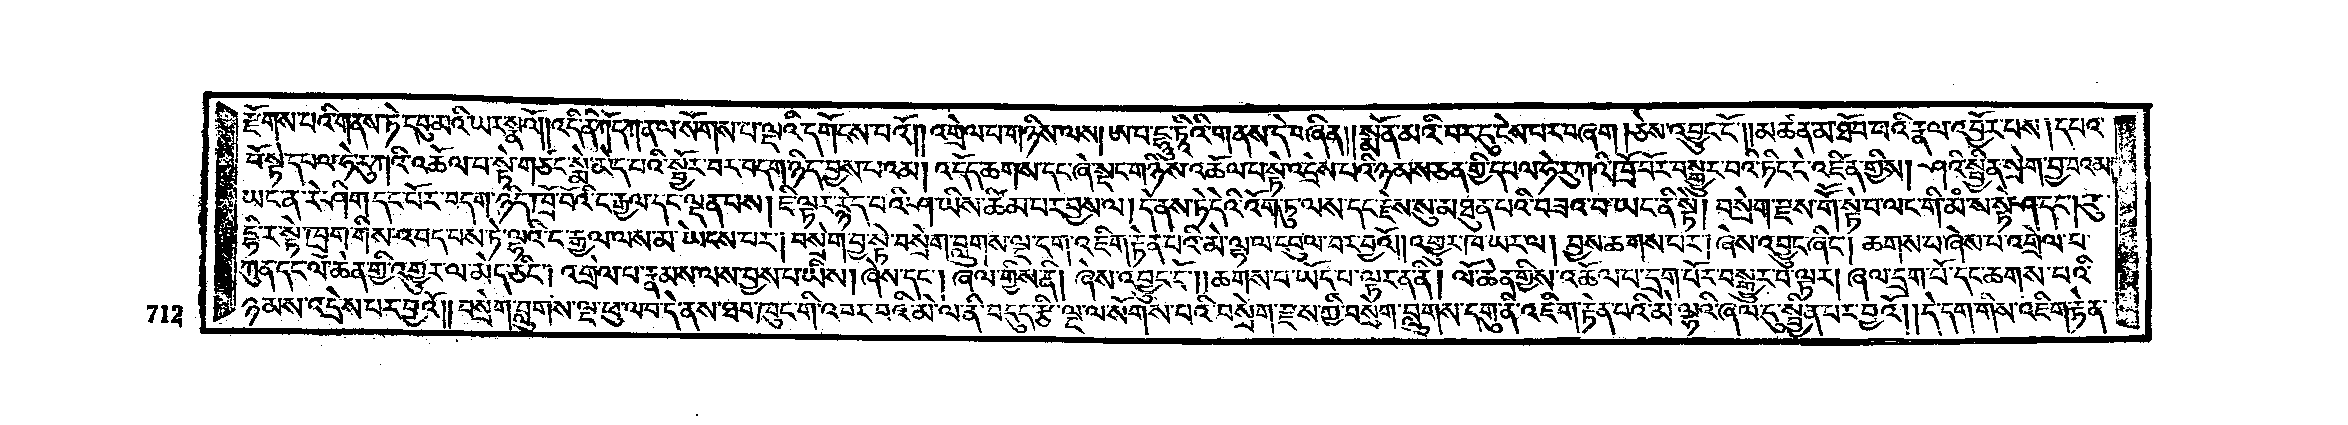རྫོགས་པའི་གནས་ཏེ་དབུ་མའི་ཡར་སྣའོ། །འདི་ནི་ཀོད་ཀ་ན་ལ་སོགས་པ་ལྔའི་དགོངས་པའོ། །འགྲེལ་པ་གཉིས་ལས། ཨ་པ་དྷཱུ་ཏཱིའི་གནས་དེ་བཞིན། །སྨིན་མའི་བར་དུ་ངེས་པར་བཞག །ཅེས་འབྱུང་ངོ། །མཚན་མ་ཐོབ་པའི་རྣལ་འབྱོར་པས། དཔའ་
བོ་སྟེ་དཔལ་ཧེ་རུ་ཀའི་འཆོལ་པ་སྟེ་གཙང་སྨེ་མེད་པའི་སྦྱོར་བར་བདག་ཉིད་བྱས་པའམ། འདོད་ཆགས་དང་ཞེ་སྡང་གཉིས་འཆོལ་པ་སྟེ་འདྲེས་པའི་ཉམས་ཅན་གྱི་དཔལ་ཧེ་རུ་ཀའི་ཁྲོ་བོར་བསྒྱུར་བའི་ཏིང་ངེ་འཛིན་གྱིས། ཤའི་སྦྱིན་སྲེག་བྱ་བའམ།
ཡང་ན་རེ་ཤིག་དང་པོར་བདག་ཉིད་ཁྲོ་བོའི་ང་རྒྱལ་དང་ལྡན་པས། ཇི་ལྟར་རྙེད་པའི་ཤ་ཡིས་ཚིམ་པར་བྱས་ལ། དེ་ནས་ཏེ་དེའི་འོག་ཏུ་ལས་དང་རྗེས་སུ་མཐུན་པའི་བཟའ་བ་ཡང་ནི་སྟེ། བསྲེག་རྫས་གཽ་སྟེ་བ་ལང་གི་མཾ་ས་སྟེ་ཤ་དང་། རུ་
དྷི་ར་སྟེ་ཁྲག་གིས་འབད་པས་ཏེ་ལྷའི་ང་རྒྱལ་ལས་མ་ཡེངས་པར། བསྲེག་བྱ་སྟེ་བསྲེག་བླུགས་ལྔ་དག་འཇིག་རྟེན་པའི་མེ་ལྷ་ལ་དབུལ་བར་བྱའོ། །འགྱུར་ཁ་ཡར་ལ། བྱས་ཆགས་པར། ཞེས་འབྱུང་ཞིང་། ཆགས་པ་ཞེས་པ་འགྲེལ་པ་
ཀུན་དང་ལོ་ཆེན་གྱི་འགྱུར་ལ་མེད་ཅིང་། འགྲེལ་པ་རྣམས་ལས་བྱས་པ་ཡིས། ཞེས་དང་། ཞལ་གྱིས་ནི། ཞེས་འབྱུང་ངོ། །ཆགས་པ་ཡོད་པ་ལྟར་ན་ནི། ལོ་ཆེན་གྱིས་འཆོལ་པ་དྲག་པོར་བསྒྱུར་བ་ལྟར། ཞལ་དྲག་པོ་དང་ཆགས་པའི་
ཉམས་འདྲེས་པར་བྱའོ། །བསྲེག་བླུགས་ལྔ་ཕུ་ལ་བ་དེ་ནས་ཐབ་ཁུང་གི་འབར་བའི་མེ་ལ་ནི་བདུད་རྩི་ལྔ་ལ་སོགས་པའི་བསྲེག་རྫས་ཀྱི་བསྲེག་བླུགས་དགུ་ནི་འཇིག་རྟེན་པའི་མེ་ལྷའི་ཞལ་དུ་སྦྱིན་པར་བྱའོ། །དེ་དག་གིས་འཇིག་རྟེན་